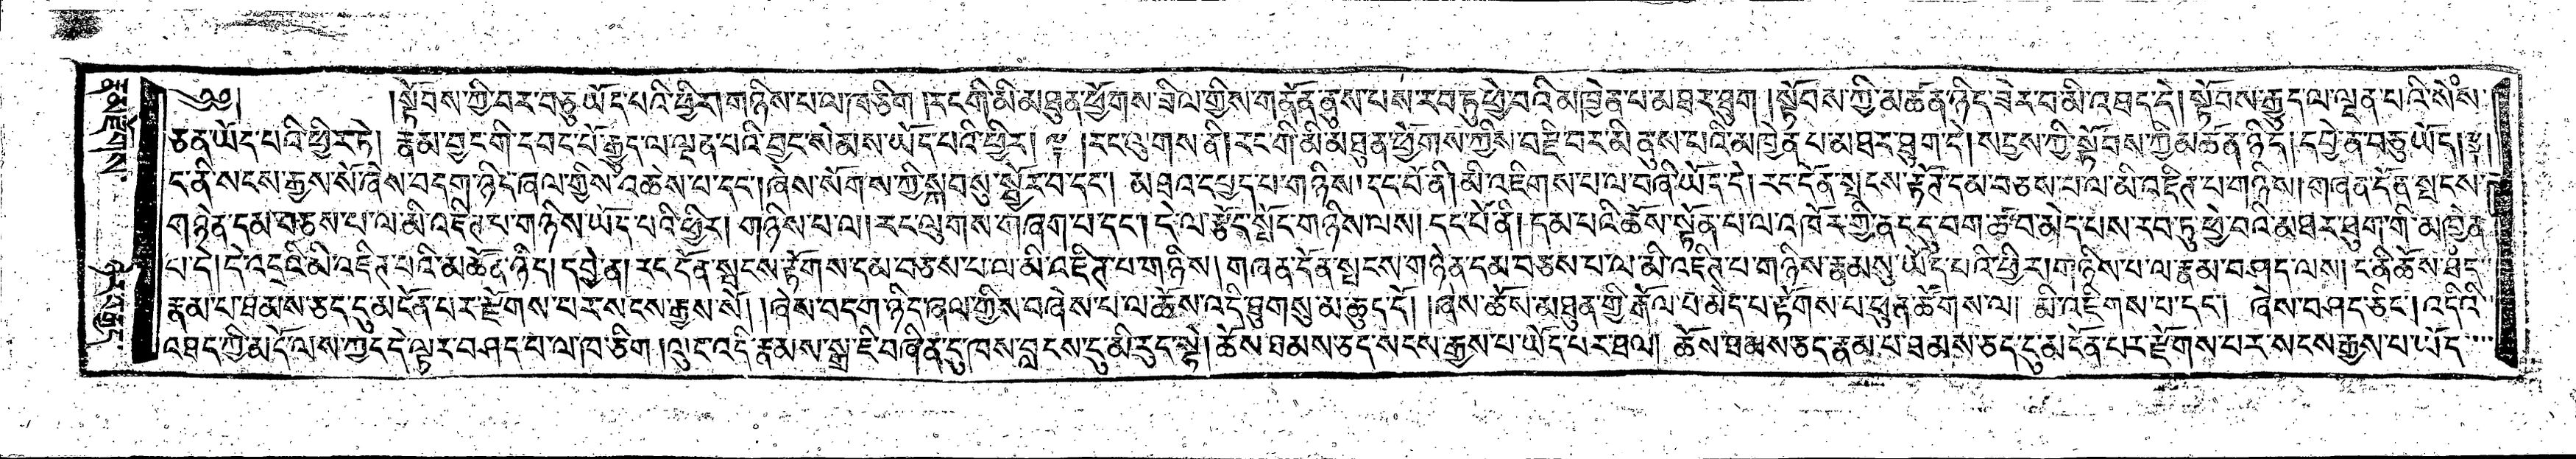༄༅། །སྟོབས་ཀྱི་བར་བཅུ་ཡོད་པའི་ཕྱིར། གཉིས་པ་ལ་ཁ་ཅིག །རང་གི་མི་མཐུན་ཕྱོགས་ཟིལ་གྱིས་གནོན་ནུས་པས་རབ་ཏུ་ཕྱེ་བའི་མཁྱེན་པ་མཐར་ཐུག །སྟོབས་ཀྱི་མཚན་ཉིད་ཟེར་བ་མི་འཐད་དེ། སྟོབས་རྒྱུད་ལ་ལྡན་པའི་སེམས་
ཅན་ཡོད་པའི་ཕྱིར་ཏེ། རྣམ་བྱང་གི་དབང་པོ་རྒྱུད་ལ་ལྡན་པའི་བྱང་སེམས་ཡོད་པའི་ཕྱིར། ༈ །རང་ལུགས་ནི། རང་གི་མི་མཐུན་ཕྱོགས་ཀྱིས་བརྫི་བར་མི་ནུས་པའི་མཁྱེན་པ་མཐར་ཐུག་དེ། སངས་རྒྱས་ཀྱི་སྟོབས་ཀྱི་མཚན་ཉིད། དབྱེ་ན་བཅུ་ཡོད། ༈ །
ད་ནི་སངས་རྒྱས་སོ་ཞེས་བདག་ཉིད་ཞལ་གྱིས་འཆེས་པ་དང་། ཞེས་སོགས་ཀྱི་སྐབས་སུ་སྦྱོར་བ་དང་། མཐའ་དཔྱད་པ་གཉིས། དང་པོ་ནི། མི་འཇིགས་པ་ལ་བཞི་ཡོད་དེ། རང་དོན་སྤངས་རྟོགས་དམ་བཅས་པ་ལ་མི་འཇིགས་པ་གཉིས། གཞན་དོན་སྤངས་
གཉེན་དམ་བཅས་པ་ལ་མི་འཇིགས་པ་གཉིས་ཡོད་པའི་ཕྱིར། གཉིས་པ་ལ། རང་ལུགས་གཞག་པ་དང་། དེ་ལ་རྩོད་སྤོང་གཉིས་ལས། དང་པོ་ནི། དམ་པའི་ཆོས་སྟོན་པ་ལ་འཁོར་གྱི་ནང་དུ་བག་ཚ་བ་མེད་པས་རབ་ཏུ་ཕྱེ་བའི་མཐར་ཐུག་གི་མཁྱེན་
པ་དེ། དེ་འདྲའི་མི་འཇིགས་པའི་མཚན་ཉིད། དབྱེ་ན། རང་དོན་སྤངས་རྟོགས་དམ་བཅས་པ་ལ་མི་འཇིགས་པ་གཉིས། གཞན་དོན་སྤངས་གཉེན་དམ་བཅས་པ་ལ་མི་འཇིགས་པ་གཉིས་རྣམས་སུ་ཡོད་པའི་ཕྱིར། གཉིས་པ་ལ་རྣམ་བཤད་ལས། ད་ནི་ཆོས་ཐམས་ཅད་
རྣམ་པ་ཐམས་ཅད་དུ་མངོན་པར་རྫོགས་པར་སངས་རྒྱས་སོ། །ཞེས་བདག་ཉིད་ཞལ་གྱིས་བཞེས་པ་ལ་ཆོས་འདི་ཐུགས་སུ་མ་ཆུད་དོ། །ཞེས་ཆོས་མཐུན་གྱི་རྒོལ་བ་མེད་པ་རྟོགས་པ་ཕུན་ཚོགས་ལ། མི་འཇིགས་པ་དང་། ཞེས་བཤད་ཅིང་། འདིའི་
འཐད་ཀྱི་མདོ་ལས་ཀྱང་དེ་ལྟར་བཤད་པ་ལ་ཁ་ཅིག །ལུང་འདི་རྣམས་སྒྲ་ཇི་བཞིན་དུ་ཁས་བླངས་དུ་མི་རུང་སྟེ། ཆོས་ཐམས་ཅད་སངས་རྒྱས་པ་ཡོད་པར་ཐལ། ཆོས་ཐམས་ཅད་རྣམ་པ་ཐམས་ཅད་དུ་མངོན་པར་རྫོགས་པར་སངས་རྒྱས་པ་ཡོད་